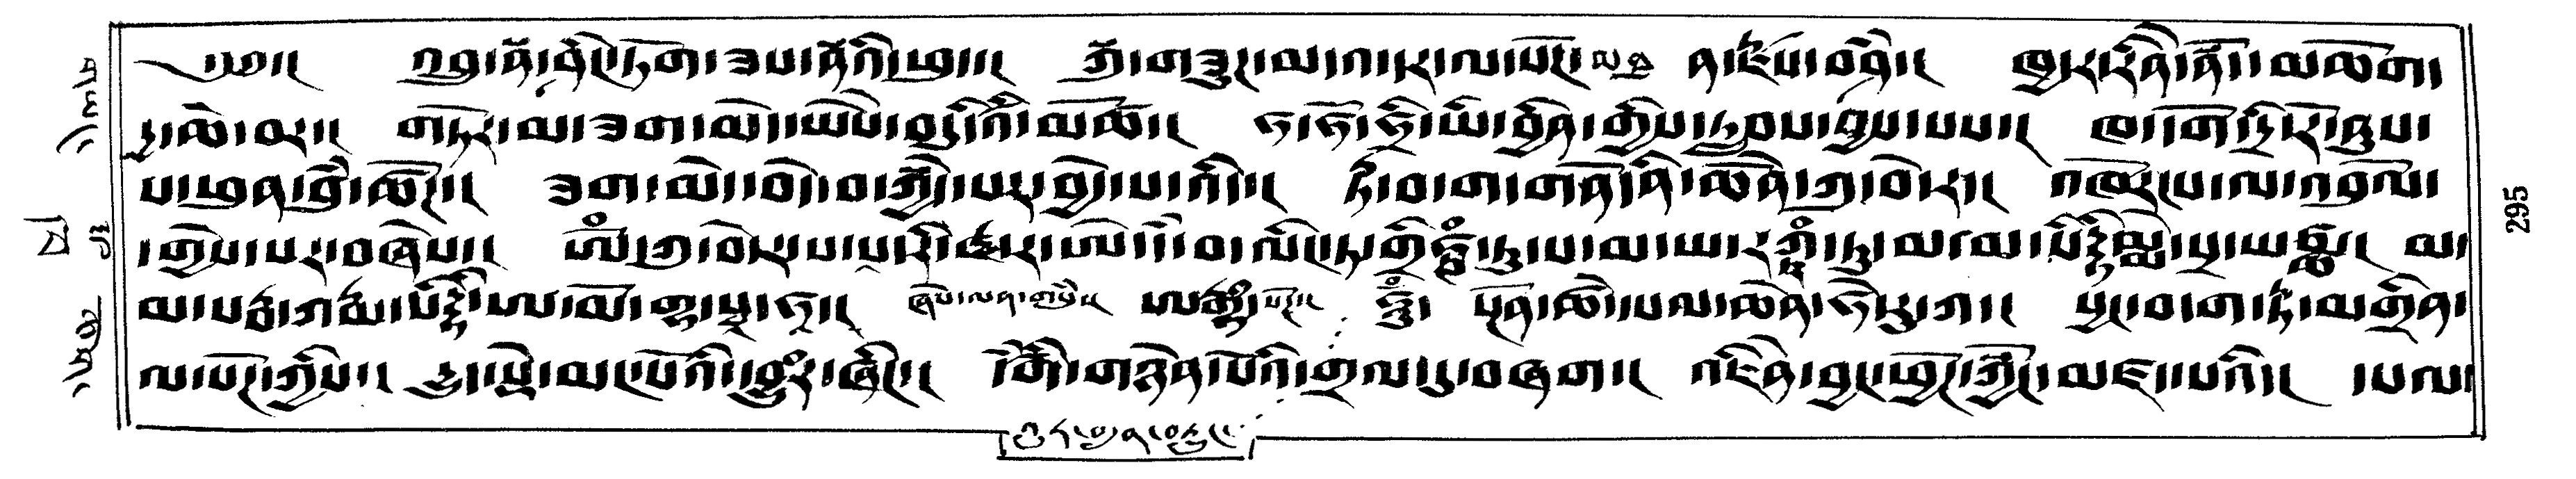འབྲུ་སྣ་ཤིང་ཏོག་ཟས་སྣའི་ཕུད། །སྐུ་གཟུགས་མདའ་དར་ལ་སོགས་མཐུན་རྫས་བཤམས། །ཁྱད་པར་རིན་ཆེན་སྣོད་མཆོག་
རྒྱ་ཆེ་བར། །གཏོར་མ་ཟག་མེད་ཡེ་ཤེས་བདུད་རྩིའི་མཚོ། །ཧ་ཧོ་ཧྲི་ཡིས་བྱིན་གྱིས་བརླབས་བྱས་པས། །ཁ་དོག་དྲི་རོག་ནུས་
པ་ཕུན་སུམ་ཚོགས། །ཟག་མེད་བདེ་བ་བསྐྱེད་པར་བྱེད་པ་འདི། །རྟ་བདག་གནོད་སྦྱིན་ཆེན་པོ་ཀུ་བེ་ར། །འཁོར་དང་བཅས་ལ་འབུལ་ལོ་
དགྱེས་པར་བཞེས། །ཨོཾ་ཀུ་བེ་ར་ས་པཱ་རི་ཝ་ར་ཨེ་དམ་བ་ལིང་ཏ་གྲིཧྞ་ཏུཾ་ས་མ་ཡ་རཀྵཾ་ཏུ་མ་མ་སིདྡྷི་མེ་པྲ་ཡཙྪ། མ་
མ་སརྦ་ཀརྨ་སིདྡྷི་ཨ་མོ་གྷ་སྭ་ཧཱ། ཞེས་ལན་གསུམ། ཨརྒྷཾ་སོགས། ཧཱུྃ། སྔོན་ཚེ་དཔལ་ཆེན་ཧེ་རུ་ཀཿ གསང་བདག་རྟ་མགྲིན་
ལ་སོགས་ཀྱིས། །རྒྱུད་སྡེ་མང་པོའི་དབང་བསྐུར་ཞིང་། །དམ་ཚིག་གཉེན་པོའི་གྲལ་དུ་བཞག །འཇིག་རྟེན་བྱང་ཕྱོགས་སྐྱོང་མཛད་པའི། །དཔལ་